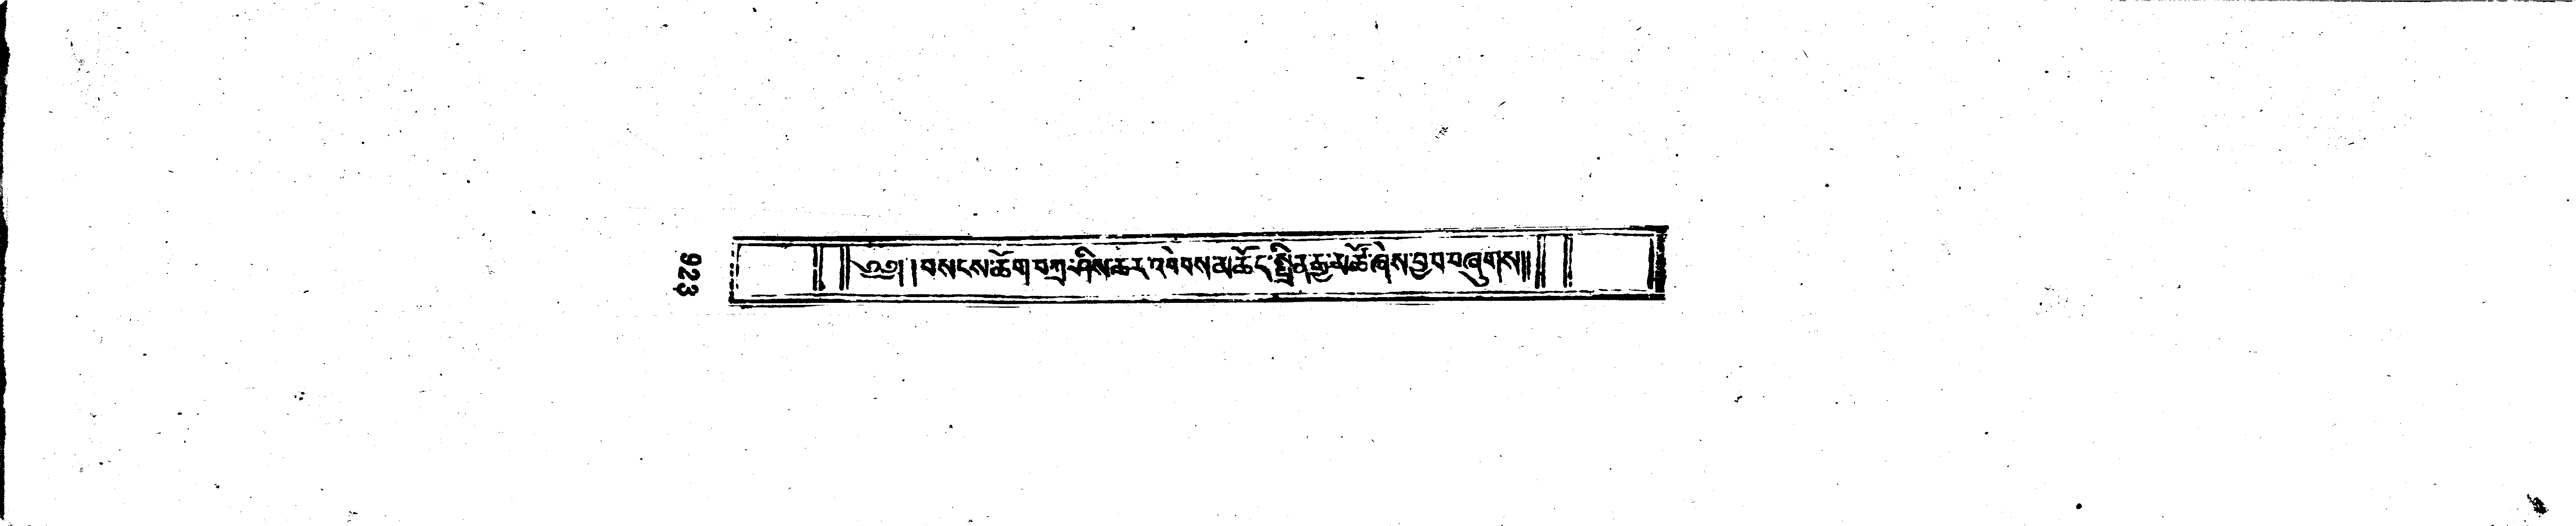༄༅། །བསངས་ཆོག་བཀྲ་ཤིས་ཆར་འབེབས་མཆོད་སྤྲིན་རྒྱ་མཚོ་ཞེས་བྱ་བ་བཞུགས། །